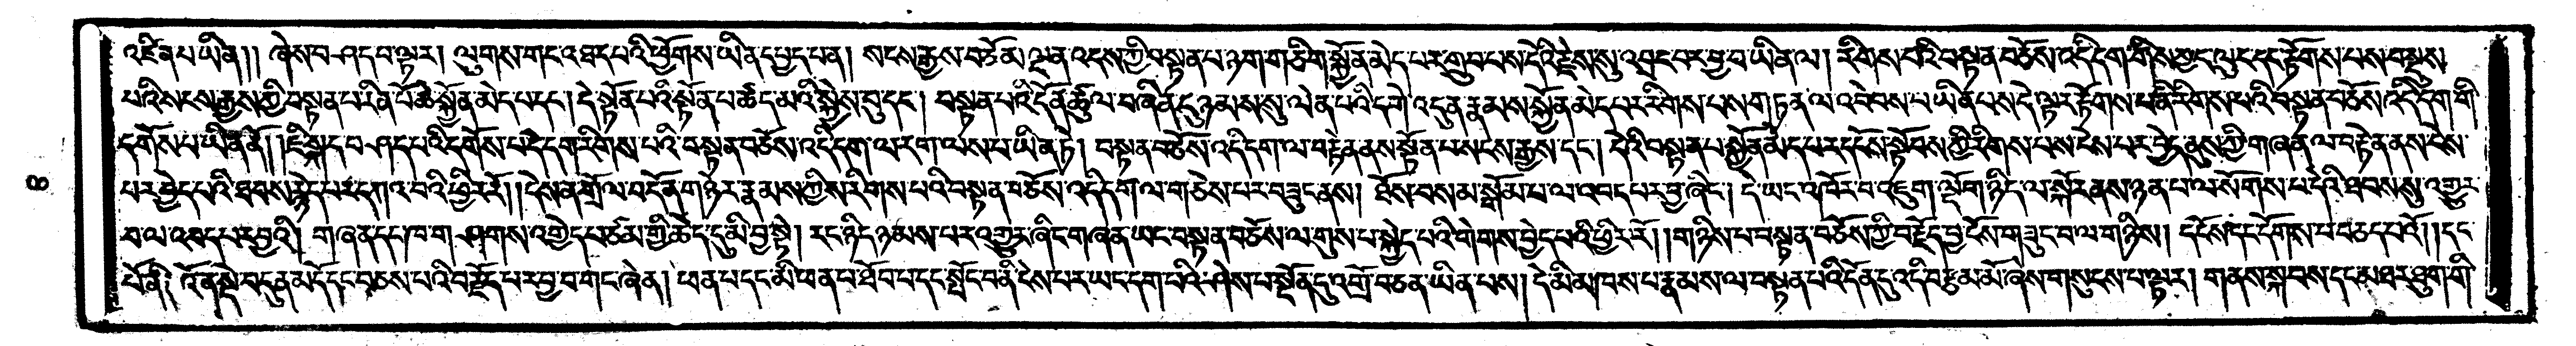འཛིན་པ་ཡིན། །ཞེས་བཤད་པ་ལྟར། ལུགས་གང་འཐད་པའི་ཕྱོགས་ཡིན་དཔྱད་པ་ན། སངས་རྒྱས་བཅོམ་ལྡན་འདས་ཀྱི་བསྟན་པ་ཉག་?་གཅིག་སྐྱོན་མེད་པར་གྲུབ་པས་དེའི་རྗེས་སུ་འབྲང་བར་བྱ་བ་ཡིན་ལ། རིགས་པའི་བསྟན་བཅོས་འདི་དག་གིས་ཀྱང་ལུང་དང་རྟོགས་པས་བསྡུས་
པའི་སངས་རྒྱས་ཀྱི་བསྟན་པ་རིན་པོ་ཆེ་སྐྱོན་མེད་པ་དང་། དེ་སྟོན་པའི་སྟོན་པ་ཚད་མའི་སྐྱེས་བུ་དང་། བསྟན་པའི་དོན་ཚུལ་བཞིན་དུ་ཉམས་སུ་ལེན་པའི་དགེ་འདུན་རྣམས་སྐྱོན་མེད་པར་རིགས་པས་གཏན་ལ་འབེབས་པ་ཡིན་པས་དེ་ལྟར་རྟོགས་པ་ནི་རིགས་པའི་བསྟན་བཅོས་འདི་དག་གི་
དགོས་པ་ཡིན་ནོ། །ཇི་སྐད་བཤད་པའི་དགོས་པ་དེ་དག་རིགས་པའི་བསྟན་བཅོས་འདི་དག་ལ་རག་ལས་པ་ཡིན་ཏེ། བསྟན་བཅོས་འདི་དག་ལ་བརྟེན་ནས་སྟོན་པ་སངས་རྒྱས་དང་། དེའི་བསྟན་པ་སྐྱོན་མེད་པར་དངོས་སྟོབས་ཀྱི་རིགས་པས་ངེས་པར་བྱེད་ནུས་ཀྱི་གཞན་ལ་བརྟེན་ནས་ངེས་
པར་བྱེད་པའི་ཐབས་རྙེད་པར་དཀའ་བའི་ཕྱིར་རོ། །དེས་ན་གྲོལ་བ་དོན་གཉེར་རྣམས་ཀྱིས་རིགས་པའི་བསྟན་བཅོས་འདི་དག་ལ་གཅེས་པར་བཟུང་ནས། ཐོས་བསམ་སྒོམ་པ་ལ་འབད་པར་བྱ་ཞིང་། དེ་ཡང་འཁོར་བ་འཇུག་ལྡོག་ཉིད་ལ་སྐོར་ནས་ཉན་པ་ལ་སོགས་པ་དེའི་ཐབས་སུ་འགྱུར་
བ་ལ་འབད་པར་བྱའི། གཞན་དང་ཁ་གཤགས་འགྱེད་པ་ཙམ་གྱི་ཆེད་དུ་མི་བྱ་སྟེ། རང་ཉིད་ཉམས་པར་འགྱུར་ཞིང་གཞན་ཡང་བསྟན་བཅོས་ལ་གུས་པ་སྐྱེད་པའི་གེགས་བྱེད་པའི་ཕྱིར་རོ། །གཉིས་པ་བསྟན་བཅོས་ཀྱི་བརྗོད་བྱ་ངོས་གཟུང་བ་ལ་གཉིས། དངོས་དང་དོགས་པ་བཅད་པའོ། །དང་
པོ་ནི༑ འོ་ན་སྡེ་བདུན་མདོ་དང་བཅས་པའི་བརྗོད་པར་བྱ་བ་གང་ཞེ་ན། ཕན་པ་དང་མི་ཕན་པ་ཐོབ་པ་དང་སྤོང་བ་ནི་ངེས་པར་ཡང་དག་པའི་ཤེས་པ་སྔོན་དུ་འགྲོ་བ་ཅན་ཡིན་པས། དེ་མི་མཁས་པ་རྣམས་ལ་བསྟན་པའི་དོན་དུ་འདི་བརྩམ་མོ་ཞེས་གསུངས་པ་ལྟར། གནས་སྐབས་དང་མཐར་ཐུག་གི་